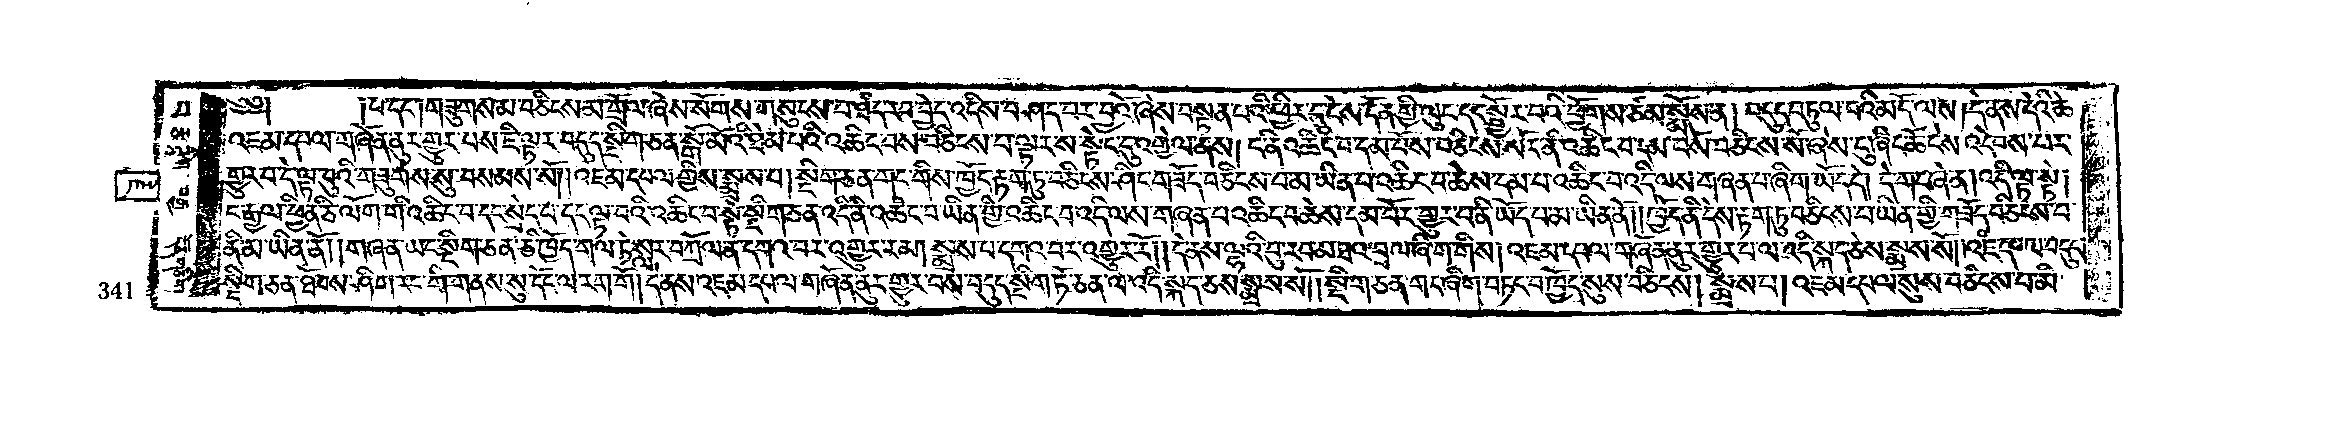༄༅། །ཕ་དང་། གཟུགས་མ་བཅིངས་མ་གྲོལ་ཞེས་སོགས་གསུངས་པ་ཐཾད་རབ་བྱེད་འདིས་བཤད་པར་བྱའོ་ཞེས་བསྟན་པའི་ཕྱིར་དུ་ངེས་དོན་གྱི་ལུང་དང་སྦྱོར་བའི་ཕྱོགས་ཙམ་སྨོས་ན། བདུད་བཏུལ་བའི་མདོ་ལས། དེ་ནས་དེའི་ཚེ་
འཇམ་དཔལ་གཞོན་ནུར་གྱུར་པས་ཇི་ལྟར་བདུད་སྡིག་ཅན་སྒོ་མའི་ཐིམ་པའི་འཆིང་བས་བཅིངས་པ་ལྟར་ས་སྟེང་དུ་འགྱེལ་ནས། ད་ནི་འཆིང་བ་དམ་པོས་བཅིངས་སོ་བ་ནི་འཆིང་བ་དམ་བོས་བཅིངས་སོ་ཞེས་དུ་ཞིང་ཆོ་ངེས་འདེབས་པར་
གྱུར་བ་དེ་ལྟ་བུའི་གཟུགས་སུ་བསམས་སོ། །འཇམ་དཔལ་གྱིས་སྨྲས་པ། སྡིག་ཅན་གང་གིས་ཁྱོད་རྟག་ཏུ་བཅིངས་ཤིང་གཟོད་བཅིངས་པ་མ་ཡིན་པ་འཆིང་བ་ཆེས་དམ་པ་འཆིང་བ་འདི་ལས་གཞན་པ་ཞིག་ཡོད་དེ། དེ་གང་ཞེ་ན། འདི་ལྟ་སྟེ།
ང་རྒྱལ་ཕྱིན་ཅི་ལོག་གི་འཆིང་བ་དང་སྲེད་པ་དང་ལྟ་བའི་འཆང་བ་སྟེ་སྡིག་ཅན་འདི་ནི་འཆིང་བ་ཡིན་གྱི་འཆིང་བ་འདི་ལས་གཞན་པ་འཆིང་བ་ཆེས་དམ་པོར་གྱུར་པ་ནི་ཡོད་པ་མ་ཡིན་ནོ། །ཁྱོད་ནི་དེས་རྟག་ཏུ་བཅིངས་པ་ཡིན་གྱི་གཟོད་བཅིངས་པ་
ནི་མ་ཡིན་ནོ། །གཞན་ཡང་སྡིག་ཅན་ཅི་ཁྱོད་གལ་ཏེ་སླར་བཀྲོལ་ན་དགའ་བར་འགྱུར་རམ། སྨྲས་པ་དགའ་བར་འགྱུར་རོ། །དེ་ནས་ལྷའི་བུ་རབ་མཐའ་བྲལ་ཞིག་གིས། །འཇམ་དཔལ་གཞོན་ནུར་གྱུར་པ་ལ་འདི་སྐད་ཅེས་སྨྲས་སོ། །འཇཾ་དཔལ་བདུད་
སྡིག་ཅན་ཐོངས་ཤིག་རང་གི་གནས་སུ་དོང་ལ་རག་གོ །དེ་ནས་འཇམ་དཔལ་གཞོན་ནུར་གྱུར་པས་བདུད་སྡིག་ཏོ་ཅན་ལ་འདི་སྐད་ཅས་སྨྲས་སོ། །སྡིག་ཅན་གང་ཞིག་བཏང་བ་ཁྱོད་སུས་བཅིངས། སྨྲས་པ། འཇམ་དཔལ་སུས་བཅིངས་པ་མི་